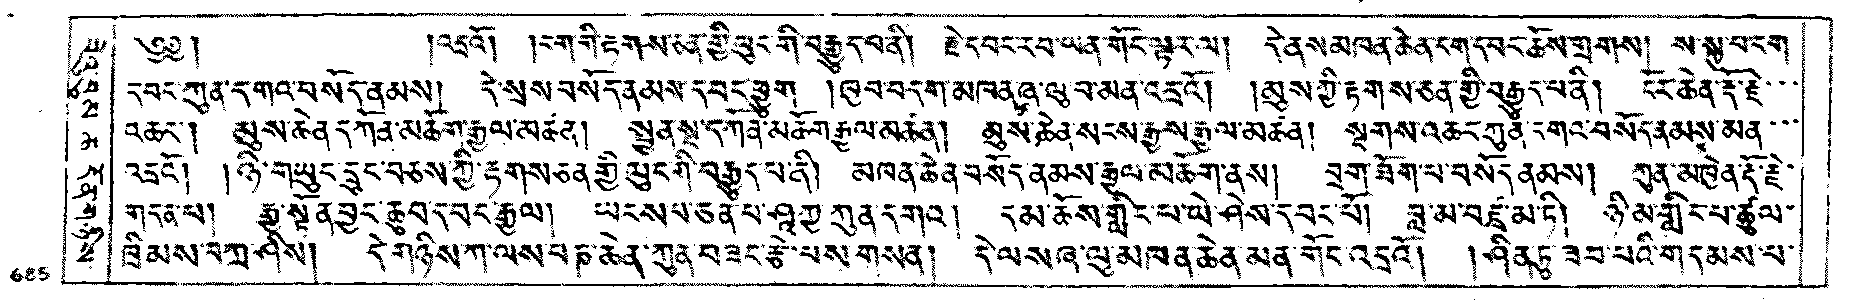༄༅། །འདྲའོ། །ངག་གི་རྟགས་ཅན་གྱི་ལུང་གི་བརྒྱུད་པ་ནི། རྗེ་དབང་རབ་ཡན་གོང་ལྟར་ལ། དེ་ནས་མཁན་ཆེན་ངག་དབང་ཆོས་གྲགས། ས་སྐྱ་པ་ངག་
དབང་ཀུན་དགའ་བསོད་ནམས། དེ་སྲས་བསོད་ནམས་དབང་ཕྱུག །ཁྱབ་བདག་མཁན་~྾་ཞ་ལུ་བ་མན་འདྲའོ། །མུས་ཀྱི་རྟགས་ཅན་གྱི་བརྒྱུད་པ་ནི། ངོར་ཆེན་རྡོ་རྗེ་
འཆང་། མུས་ཆེན་དཀོན་མཆོག་རྒྱལ་མཚན། སྤྱན་སྔ་དཀོན་མཆོག་རྒྱལ་མཚན། མུས་ཆེན་སངས་རྒྱས་རྒྱལ་མཚན། སྔགས་འཆང་ཀུན་དགའ་བསོད་ནམས་~྾་མན་
འདྲའོ། །ཉི་གཡུང་དྲུང་བཅས་ཀྱི་རྟགས་ཅན་གྱི་ལུང་གི་བརྒྱུད་པ་ནི། མཁན་ཆེན་བསོད་ནམས་རྒྱལ་མཆོག་ནས། བྲག་ཐོག་པ་བསོད་ནམས། ཀུན་མཁྱེན་རྡོ་རྗེ་
གདན་པ། རྒྱ་སྟོན་བྱང་ཆུབ་དབང་རྒྱལ། ཡངས་པ་ཅན་པ་ཤཱཀྱ་ཀུན་དགའ། དམ་ཆོས་གླིང་པ་ཡེ་ཤེས་དབང་པོ། བླ་མ་བཛྲ་མ་ཏི། ཉི་མ་གླིང་པ་ཚུལ་
ཁྲིམས་བཀྲ་ཤིས། དེ་གཉིས་ཀ་ལས་པཎ་ཆེན་ཀུན་བཟང་རྩེ་པས་གསན། དེ་ལས་ཞ་ལུ་མཁན་ཆེན་མན་གོང་འདྲའོ། །ཤིན་ཏུ་ཟབ་པའི་གདམས་པ་